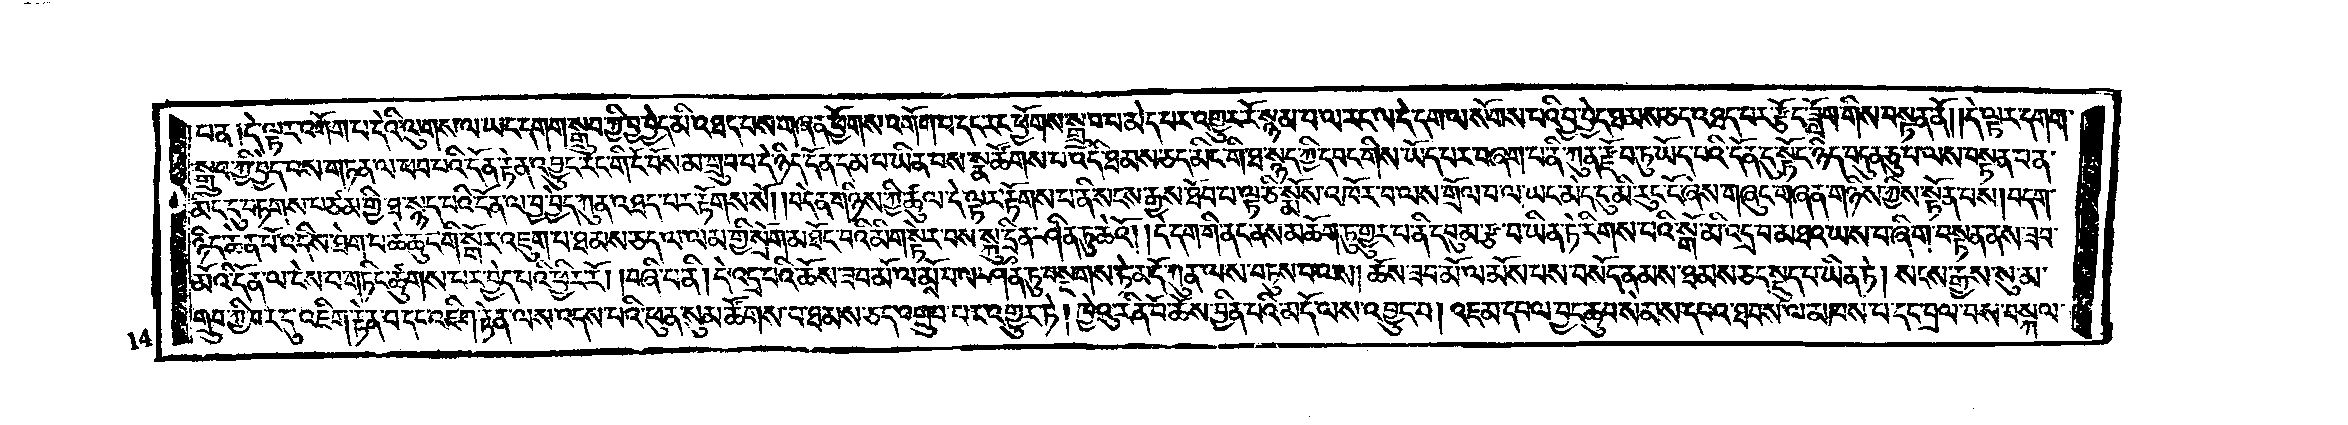པ་ན། དེ་ལྟར་འགོག་པ་དེའི་ལུགས་ལ་ཡང་དགག་སྒྲུབ་ཀྱི་བྱ་བྱེད་མི་འཐད་པས་གཞན་ཕྱོགས་འགོག་པ་དང་རང་ཕྱོགས་སྒྲུབ་པ་མེད་པར་འགྱུར་རོ་སྙམ་པ་ལ་རང་ལ་དེ་དག་ལ་སོགས་པའི་བྱ་བྱེད་ཐམས་ཅད་འཐད་པར་རྩོད་ཟློག་གིས་བསྟན་ནོ། །དེ་ལྟར་དགག་
སྒྲུབ་ཀྱི་བྱེད་པས་གཏན་ལ་ཕབ་པའི་དོན་རྟེན་འབྱུང་རང་གི་ངོ་བོར་མ་གྲུབ་པ་དེ་ཉིད་དོན་དམ་པ་ཡིན་པས་སྣ་ཚོགས་པ་འདི་ཐམས་ཅད་མིང་གི་ཐ་སྙད་ཀྱི་དབང་གིས་ཡོད་པར་བཞག་པ་ནི་ཀུན་རྫོབ་ཏུ་ཡོད་པའི་དོན་དུ་སྟོང་ཉིད་བདུན་ཅུ་པ་ལས་བསྟན་པ་ན་
མིང་དུ་བཏགས་པ་ཙམ་གྱིས་ཐ་སྙད་པའི་དོན་ལ་བྱ་བྱེད་ཀུན་འཐད་པར་རྟོགས་སོ། །བདེན་གཉིས་ཀྱི་ཚུལ་དེ་ལྟར་རྟོགས་པ་ནི་སངས་རྒྱས་ཐོབ་པ་ལྟ་ཅི་སྨོས་འཁོར་བ་ལས་གྲོལ་བ་ལ་ཡང་མེད་དུ་མི་རུང་ངོ་ཞེ་གཞུང་གཞན་གཉིས་ཀྱིས་སྟོན་པས། བདག་
ཉིད་ཆེན་པོ་འདིས་ཐེག་པ་ཆེ་ཆུང་གི་སྒོར་འཇུག་པ་ཐམས་ཅད་ལ་ལམ་གྱི་སྲོག་མཐོང་བའི་མིག་སྟེར་བས་སྐུ་དྲིན་ཤིན་ཏུ་ཆེའོ། །དེ་དག་གི་ནང་ནས་མཆོག་ཏུ་གྱུར་པ་ནི་དབུ་མ་རྩ་བ་ཡིན་ཏེ་རིགས་པའི་སྒོ་མི་འདྲ་བ་མཐའ་ཡས་པ་ཞིག་བསྟན་ནས་ཟབ་
མོའི་དོན་ལ་ངེས་པ་གཏིང་ཚུགས་པར་བྱེད་པའི་ཕྱིར་རོ། །བཞི་པ་ནི། དེ་འདྲ་པའི་ཆོས་ཟབ་མོ་ལ་མོས་པ་ལ་ཤིན་ཏུ་བསྔགས་ཏེ་མདོ་ཀུན་ལས་བཏུས་པ་ལས། ཆོས་ཟབ་མོ་ལ་མོས་པས་བསོད་ནམས་ཐམས་ཅད་སྡུད་པ་ཡིན་ཏེ། སངས་རྒྱས་སུ་མ་
གྲུབ་ཀྱི་བར་དུ་འཇིག་རྟེན་པ་དང་འཇིག་རྟེན་ལས་འདས་པའི་ཕུན་སུམ་ཚུགས་པ་ཐམས་ཅད་འགྲུབ་པར་འགྱུར་ཏེ། ཁྱེའུ་རིན་པོ་ཆེས་བྱིན་པའི་མདོ་ལས་འབྱུང་བ་ལ། འཇམ་དཔལ་བྱང་ཆུབ་སེམས་དཔའ་ཐབས་ལ་མཁས་པ་དང་བྲལ་བས་བསྐལ་